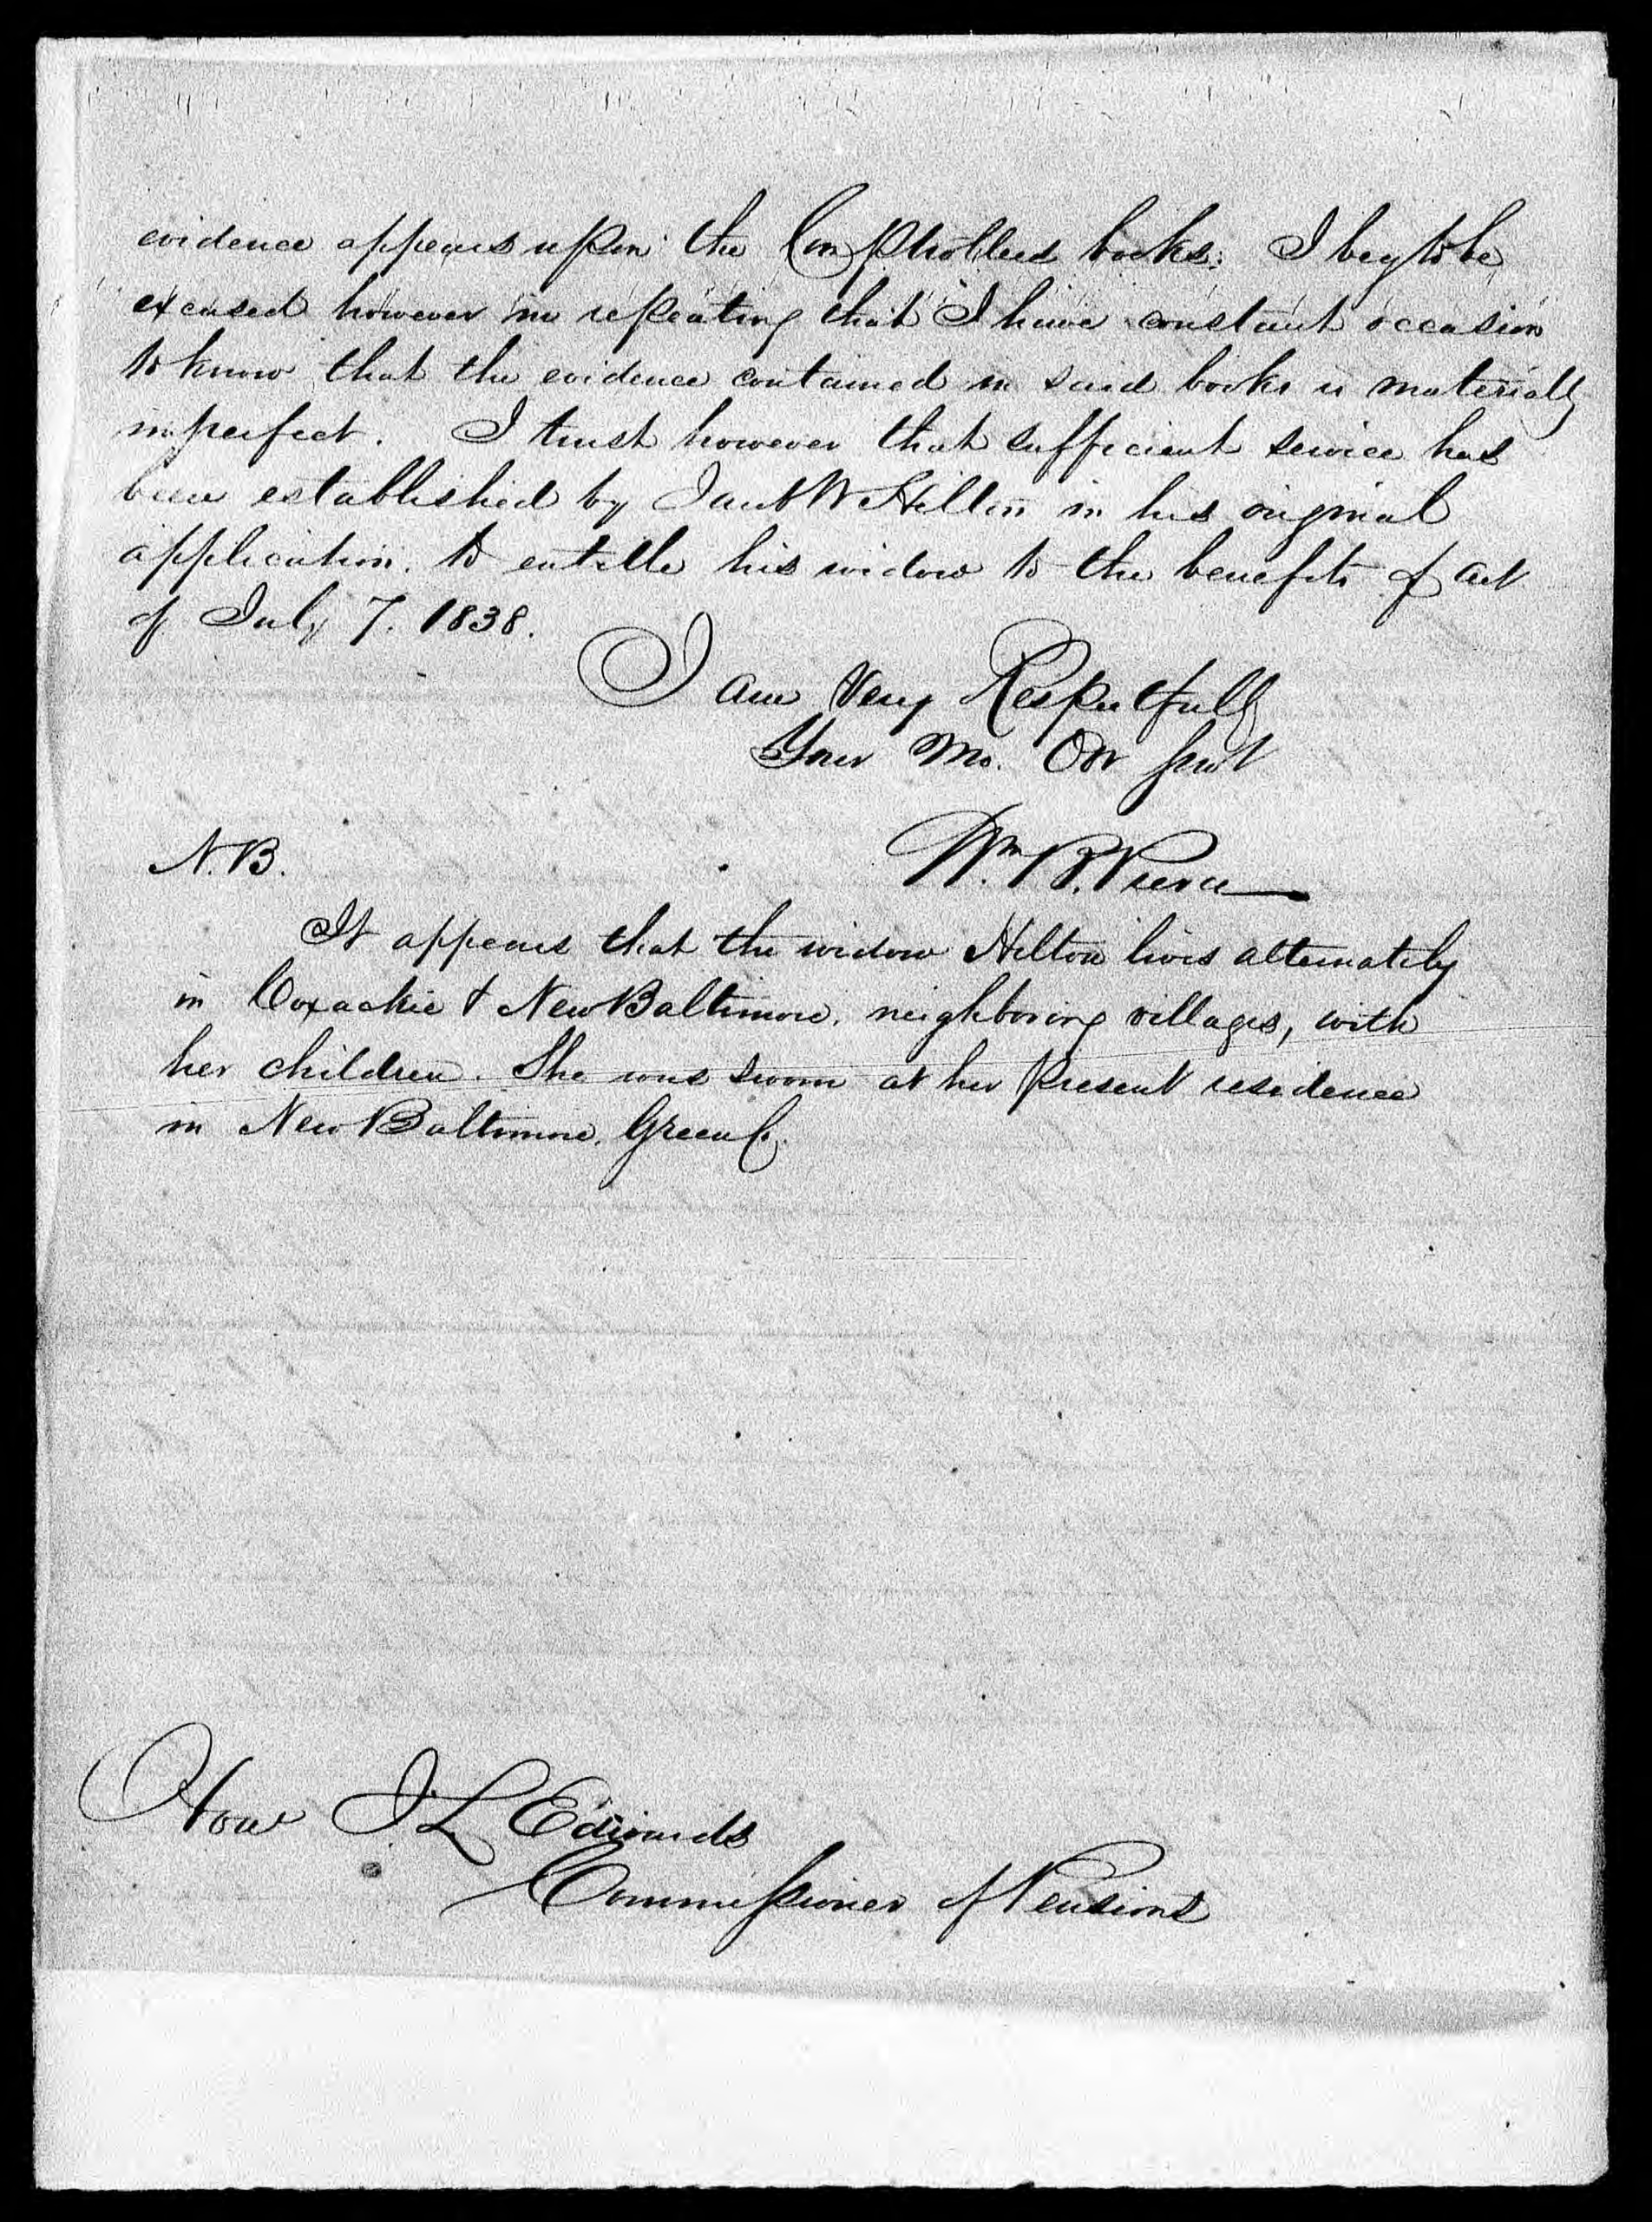evidence appears upon the Completed books. I beg to be excused however me repeating that I have constant occasion to know that the evidence contained in said books is materially imperfect. I trust however that sufficient service has been established by Jacob W. Hilton in his original application to entitle his widow to the benefit of act of July 7 1838. 

I am very Respectfully 
Your Mo(st) Ob(edient) Servant
Wm B. Pierce

N. B.

It appears that the widow Hilton lives alternately in Coxsackie [and] New Baltimore, neighboring villages, with her children. She was sworn at her present residence in New Baltimore, Greene. 

Hon. J L Edwards
Commissioner of Pensions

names: Jacob W Hilton, Wm B Pierce, J L Edwards, Hilton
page: 39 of 48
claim: widow's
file: W. 19788, Jacob W Hilton, New York